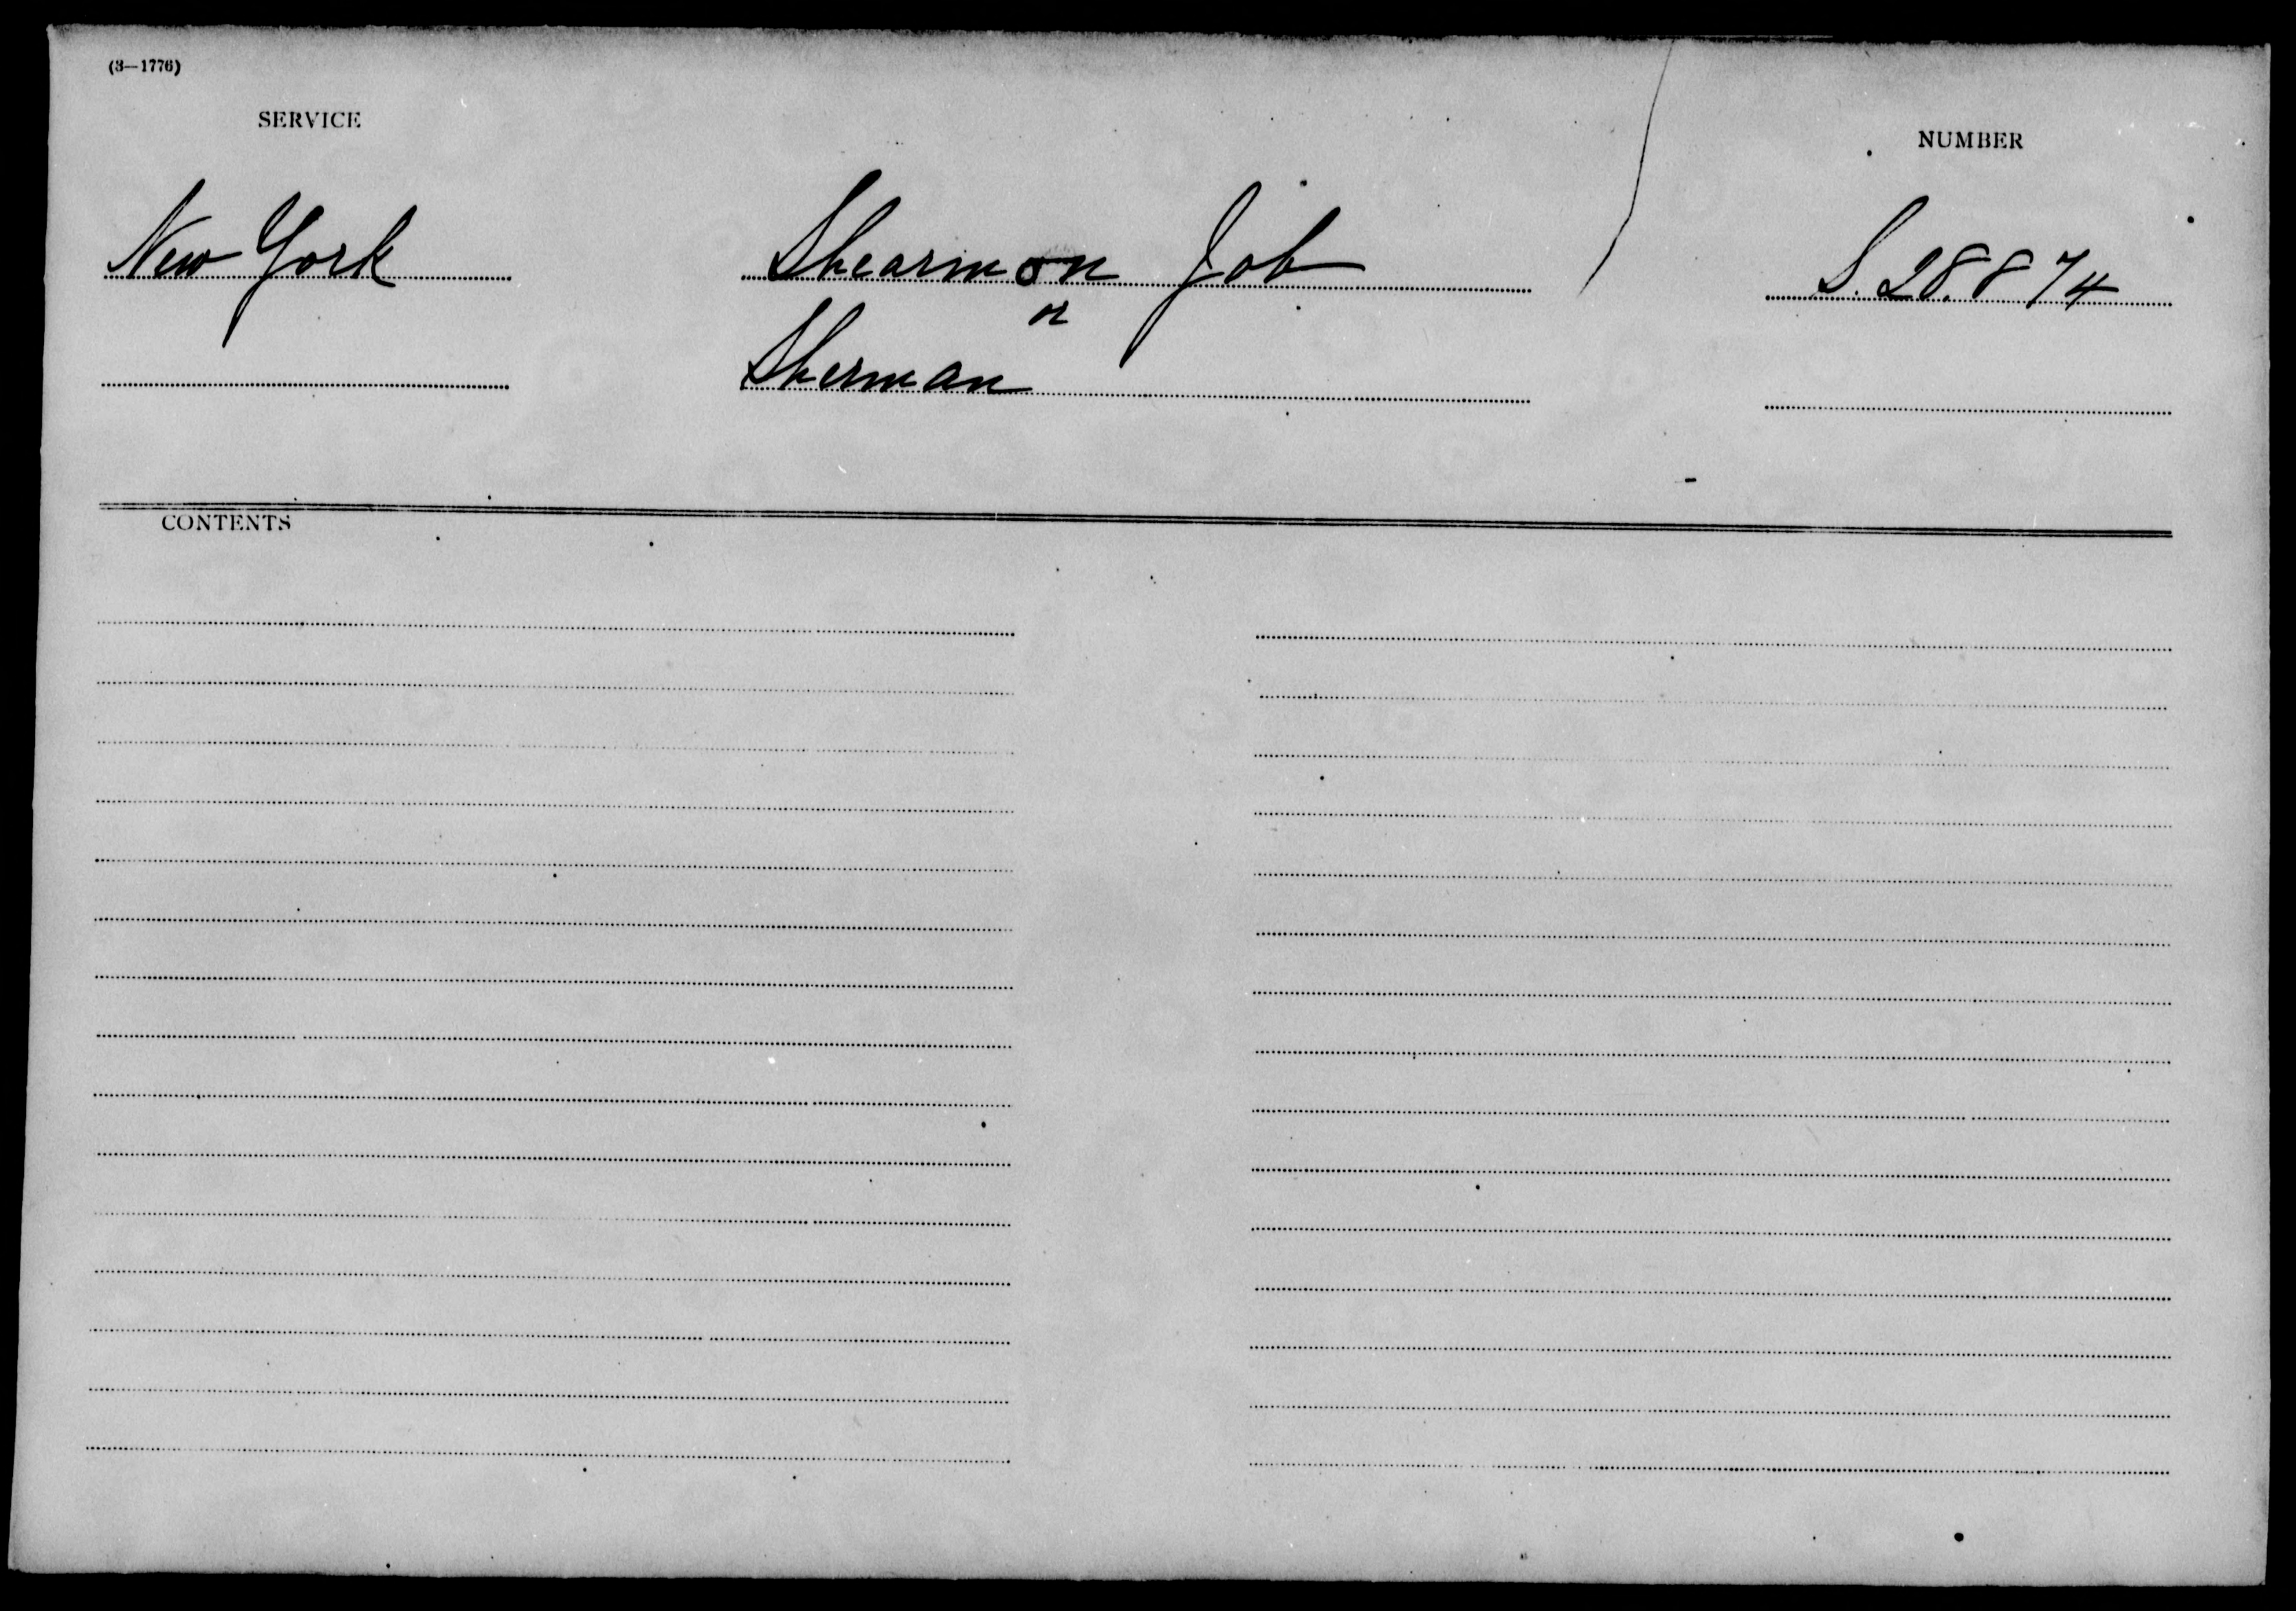[doc is printed & written]
(3-1776)
SERVICE                                     NUMBER
New York     Shearmon Job        S.28.874
                        or
                     Sherman
[double line]
CONTENTS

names: Job Sherman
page: 1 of 10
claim: survivor's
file: S. 28,874, for Job Shearmon, New York